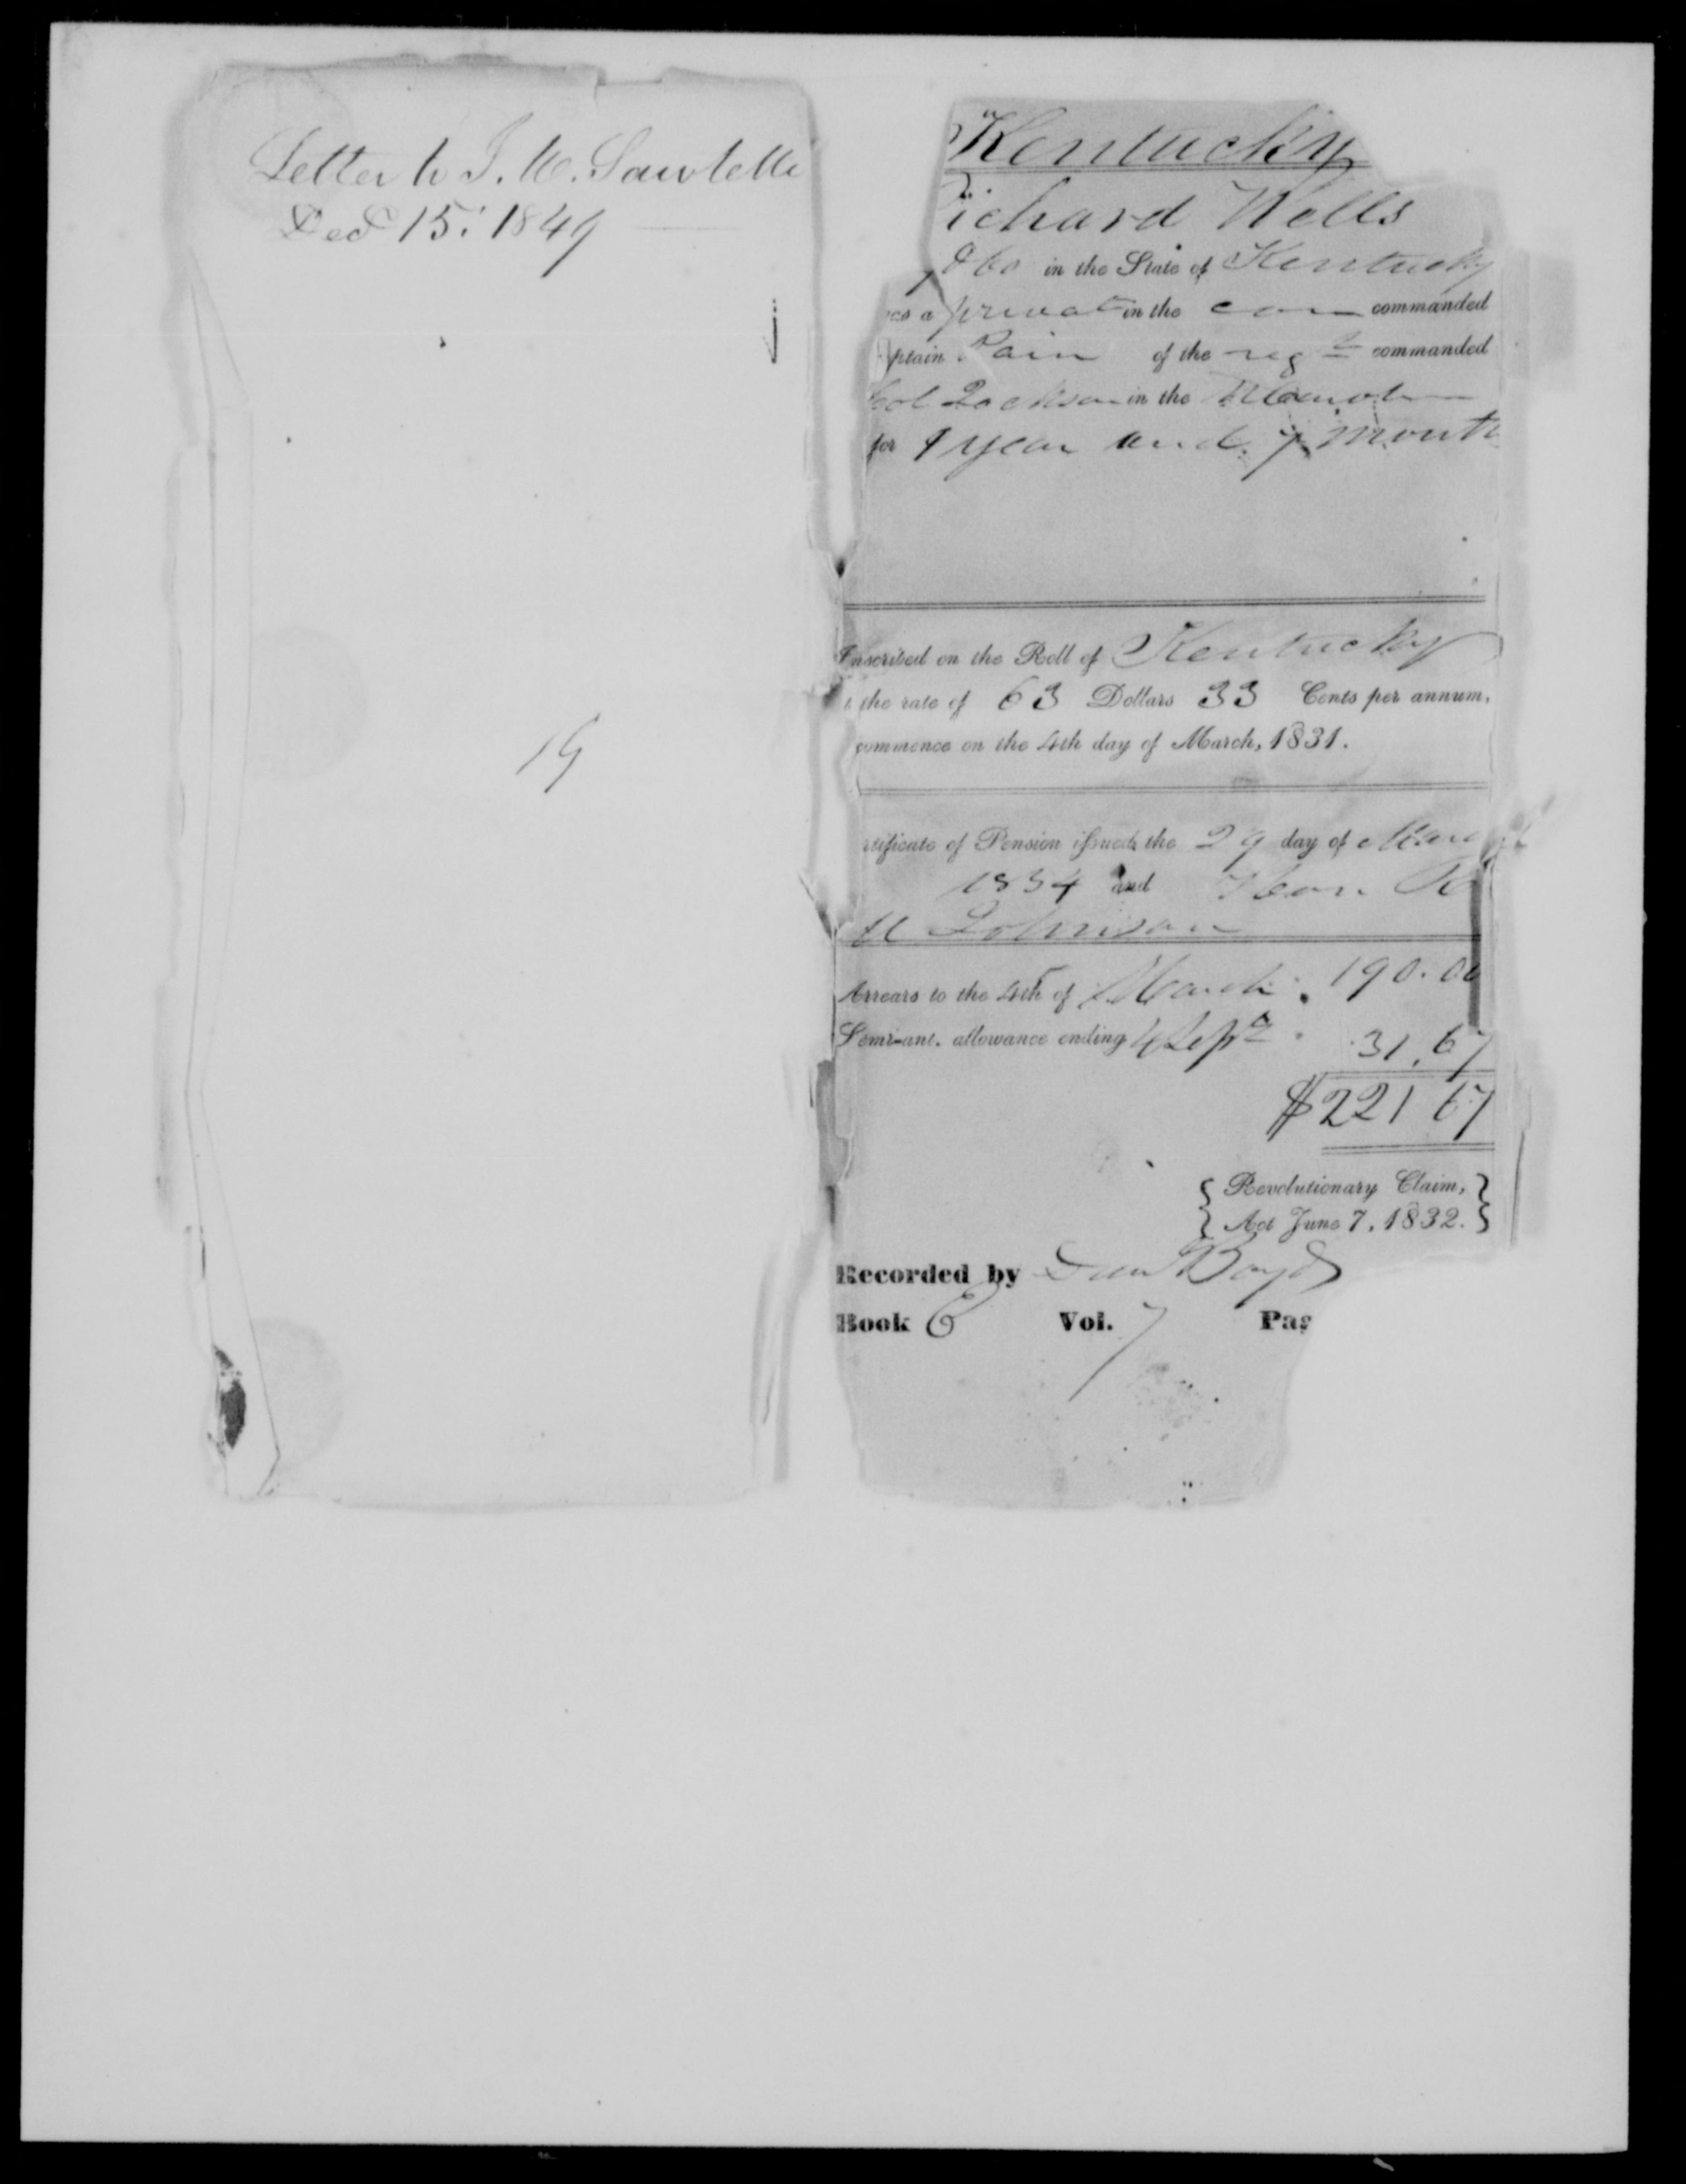Letter to J. W. Sawlette
Feb 15. 1849


Richard Wells
? in the State of Kentucky was a private in the ? commanded by Captain Pain of the regiment commanded by Col Jackson in the ? for 1 year and 7 months.

Inscribed on the
Roll of Kentucky
63 Dollars 33 Cents per annum,
commence on the 4th day of March, 1831.
Certificate of pension issued 29 day of March 1834 and  ? R.M. Johnson

Arrears to the 4th of March          190.00
Semi-ant. allowance ending 4 Sep  31.67
                                                        221.67


Revolutionary Claim,
Act June 7, 1832
Recorded by Dan(?) Boyd
Book E Vol 7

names: Jackson, Richard Wells, R M Johnson, J W Sawtelle, Paice, Danl Boyd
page: 5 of 100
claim: widow's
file: W. 6437, Richard Wells, Ga Va.